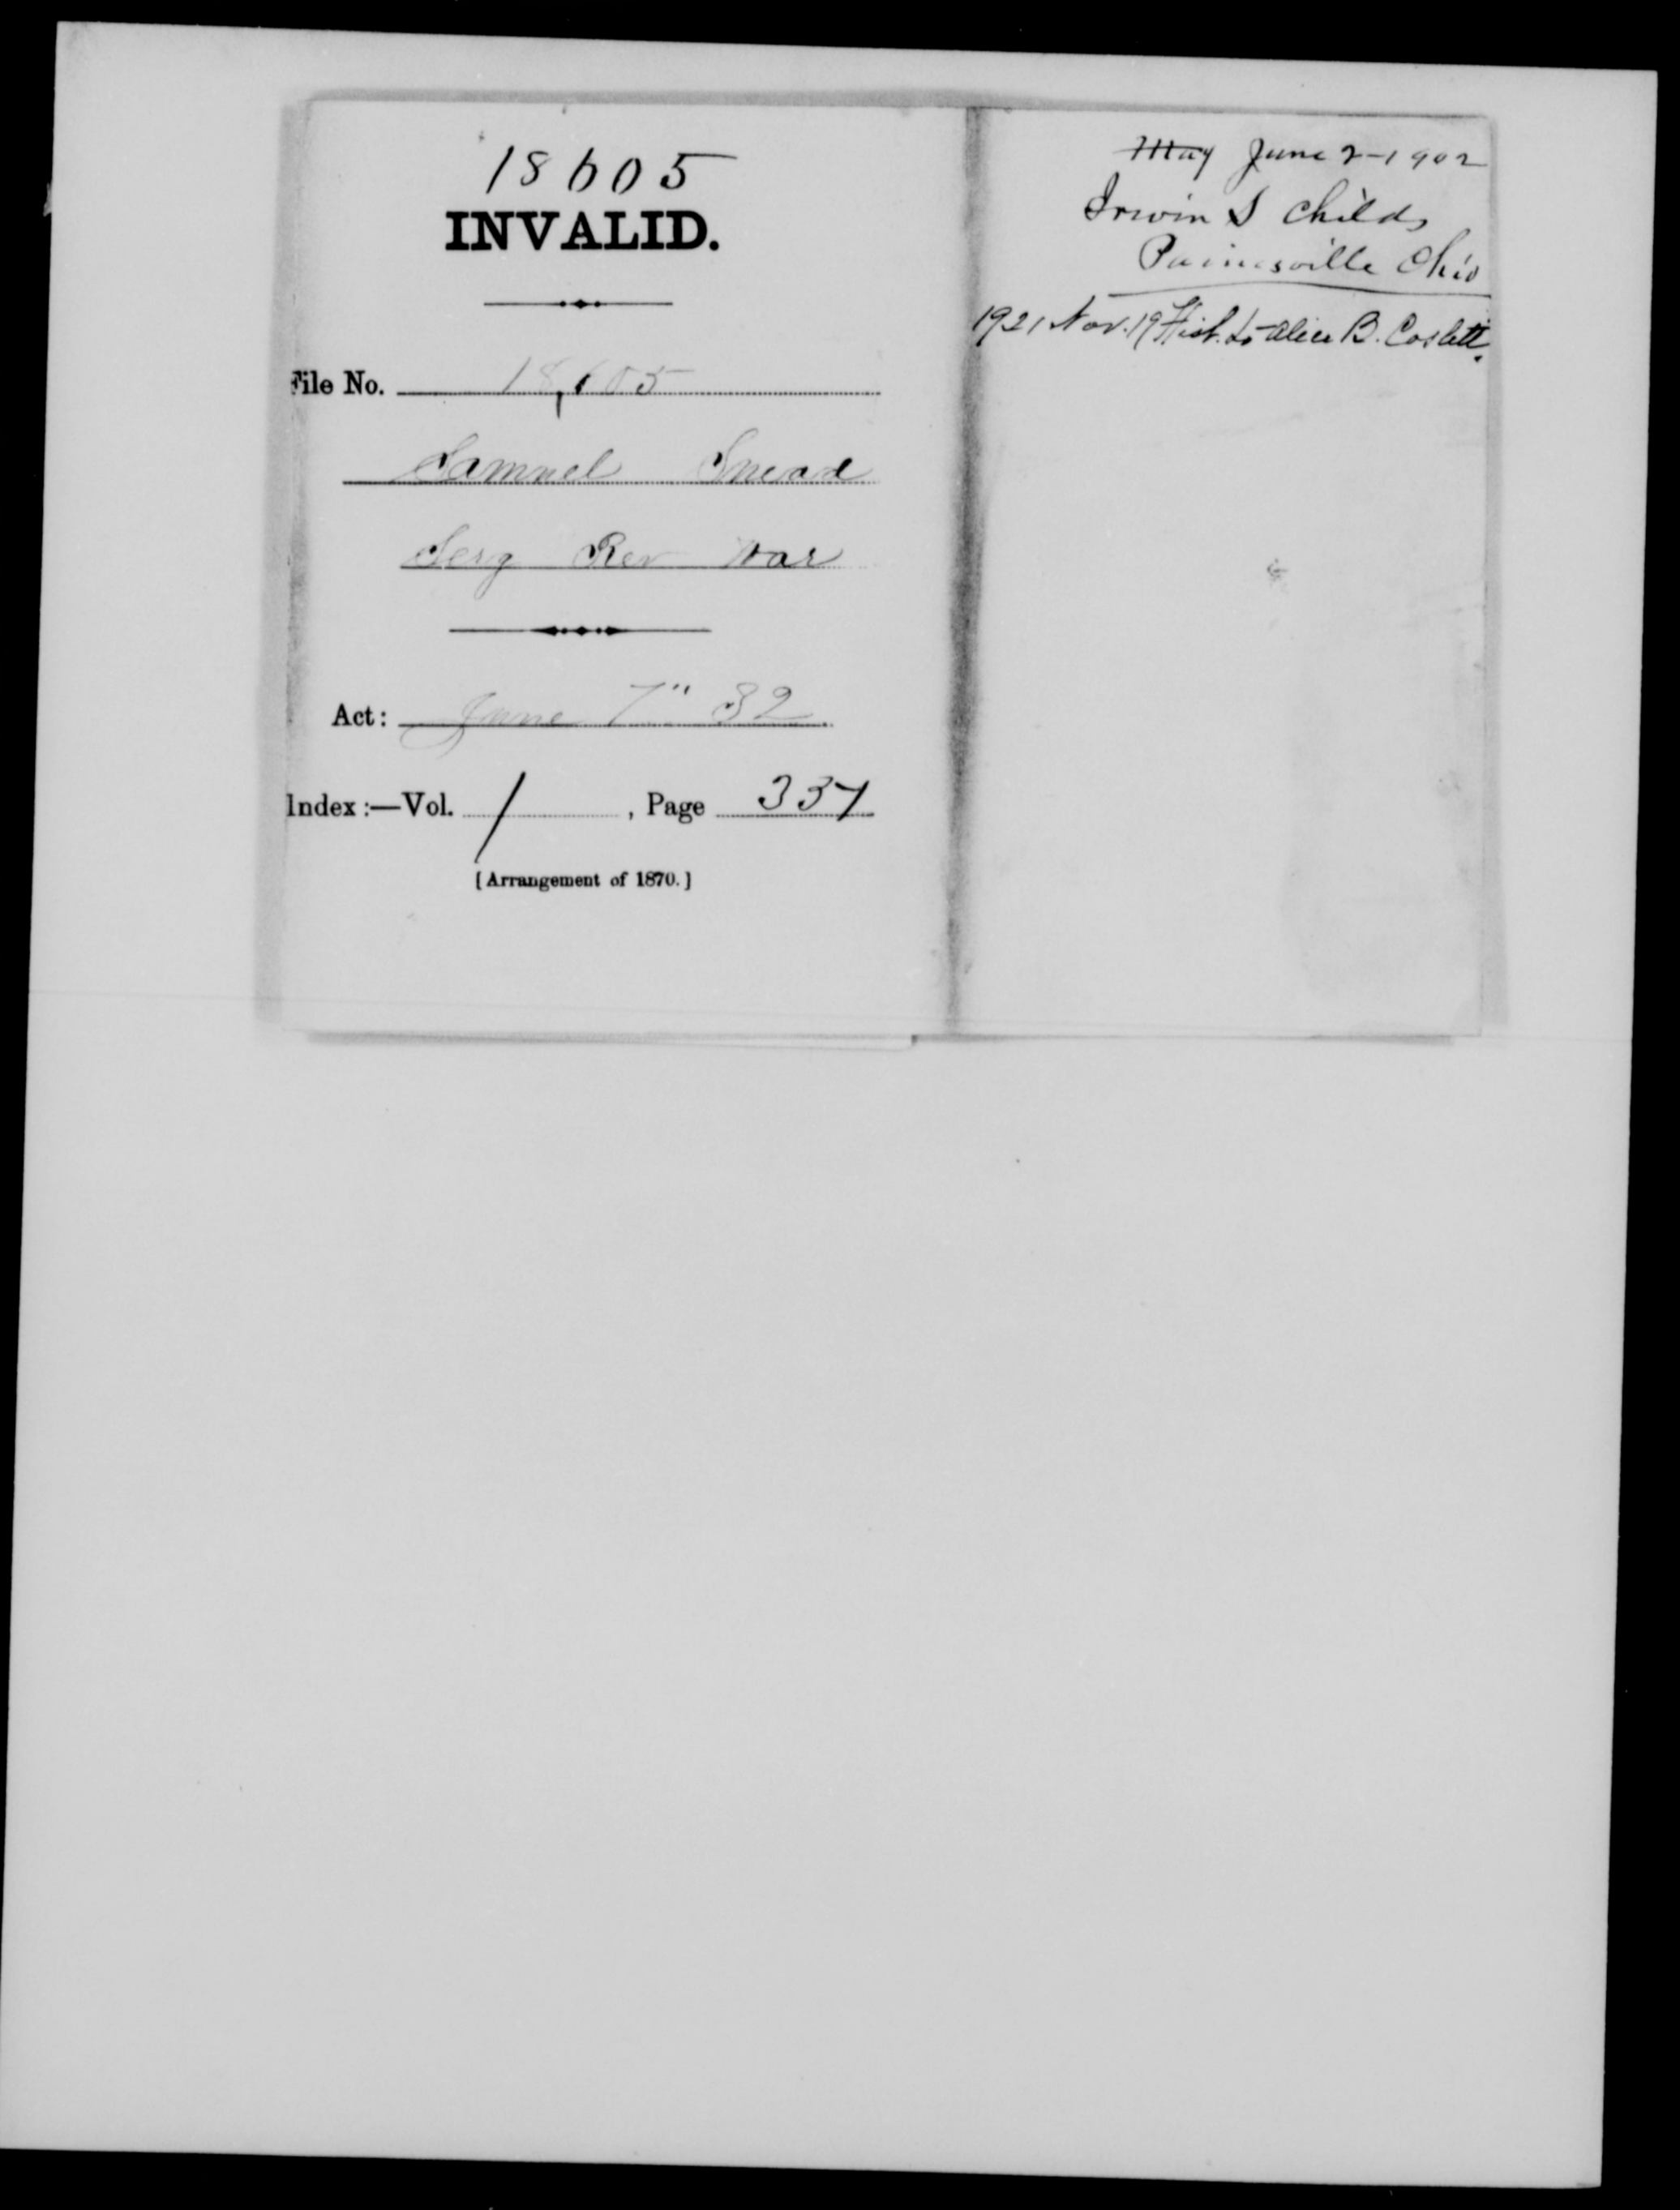18605
INVALID

File No. !8605
Samuel Snead
Serg Rev Was

Act: June 7" 32
Index: -- Vol. 4 Page 337 (Arrangement of 1870.)

[crossed out: May]June 2nd 1902
Irvin S. Childs Painesvill Ohio
--------------
1931 Nov. 19 Hist to Alice B. Corbitt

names: Alice B Coslett; Samuel Snead; Irwin S Childs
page: 11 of 18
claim: survivor's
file: S. 18,605, for Samuel Smead, Massachusetts